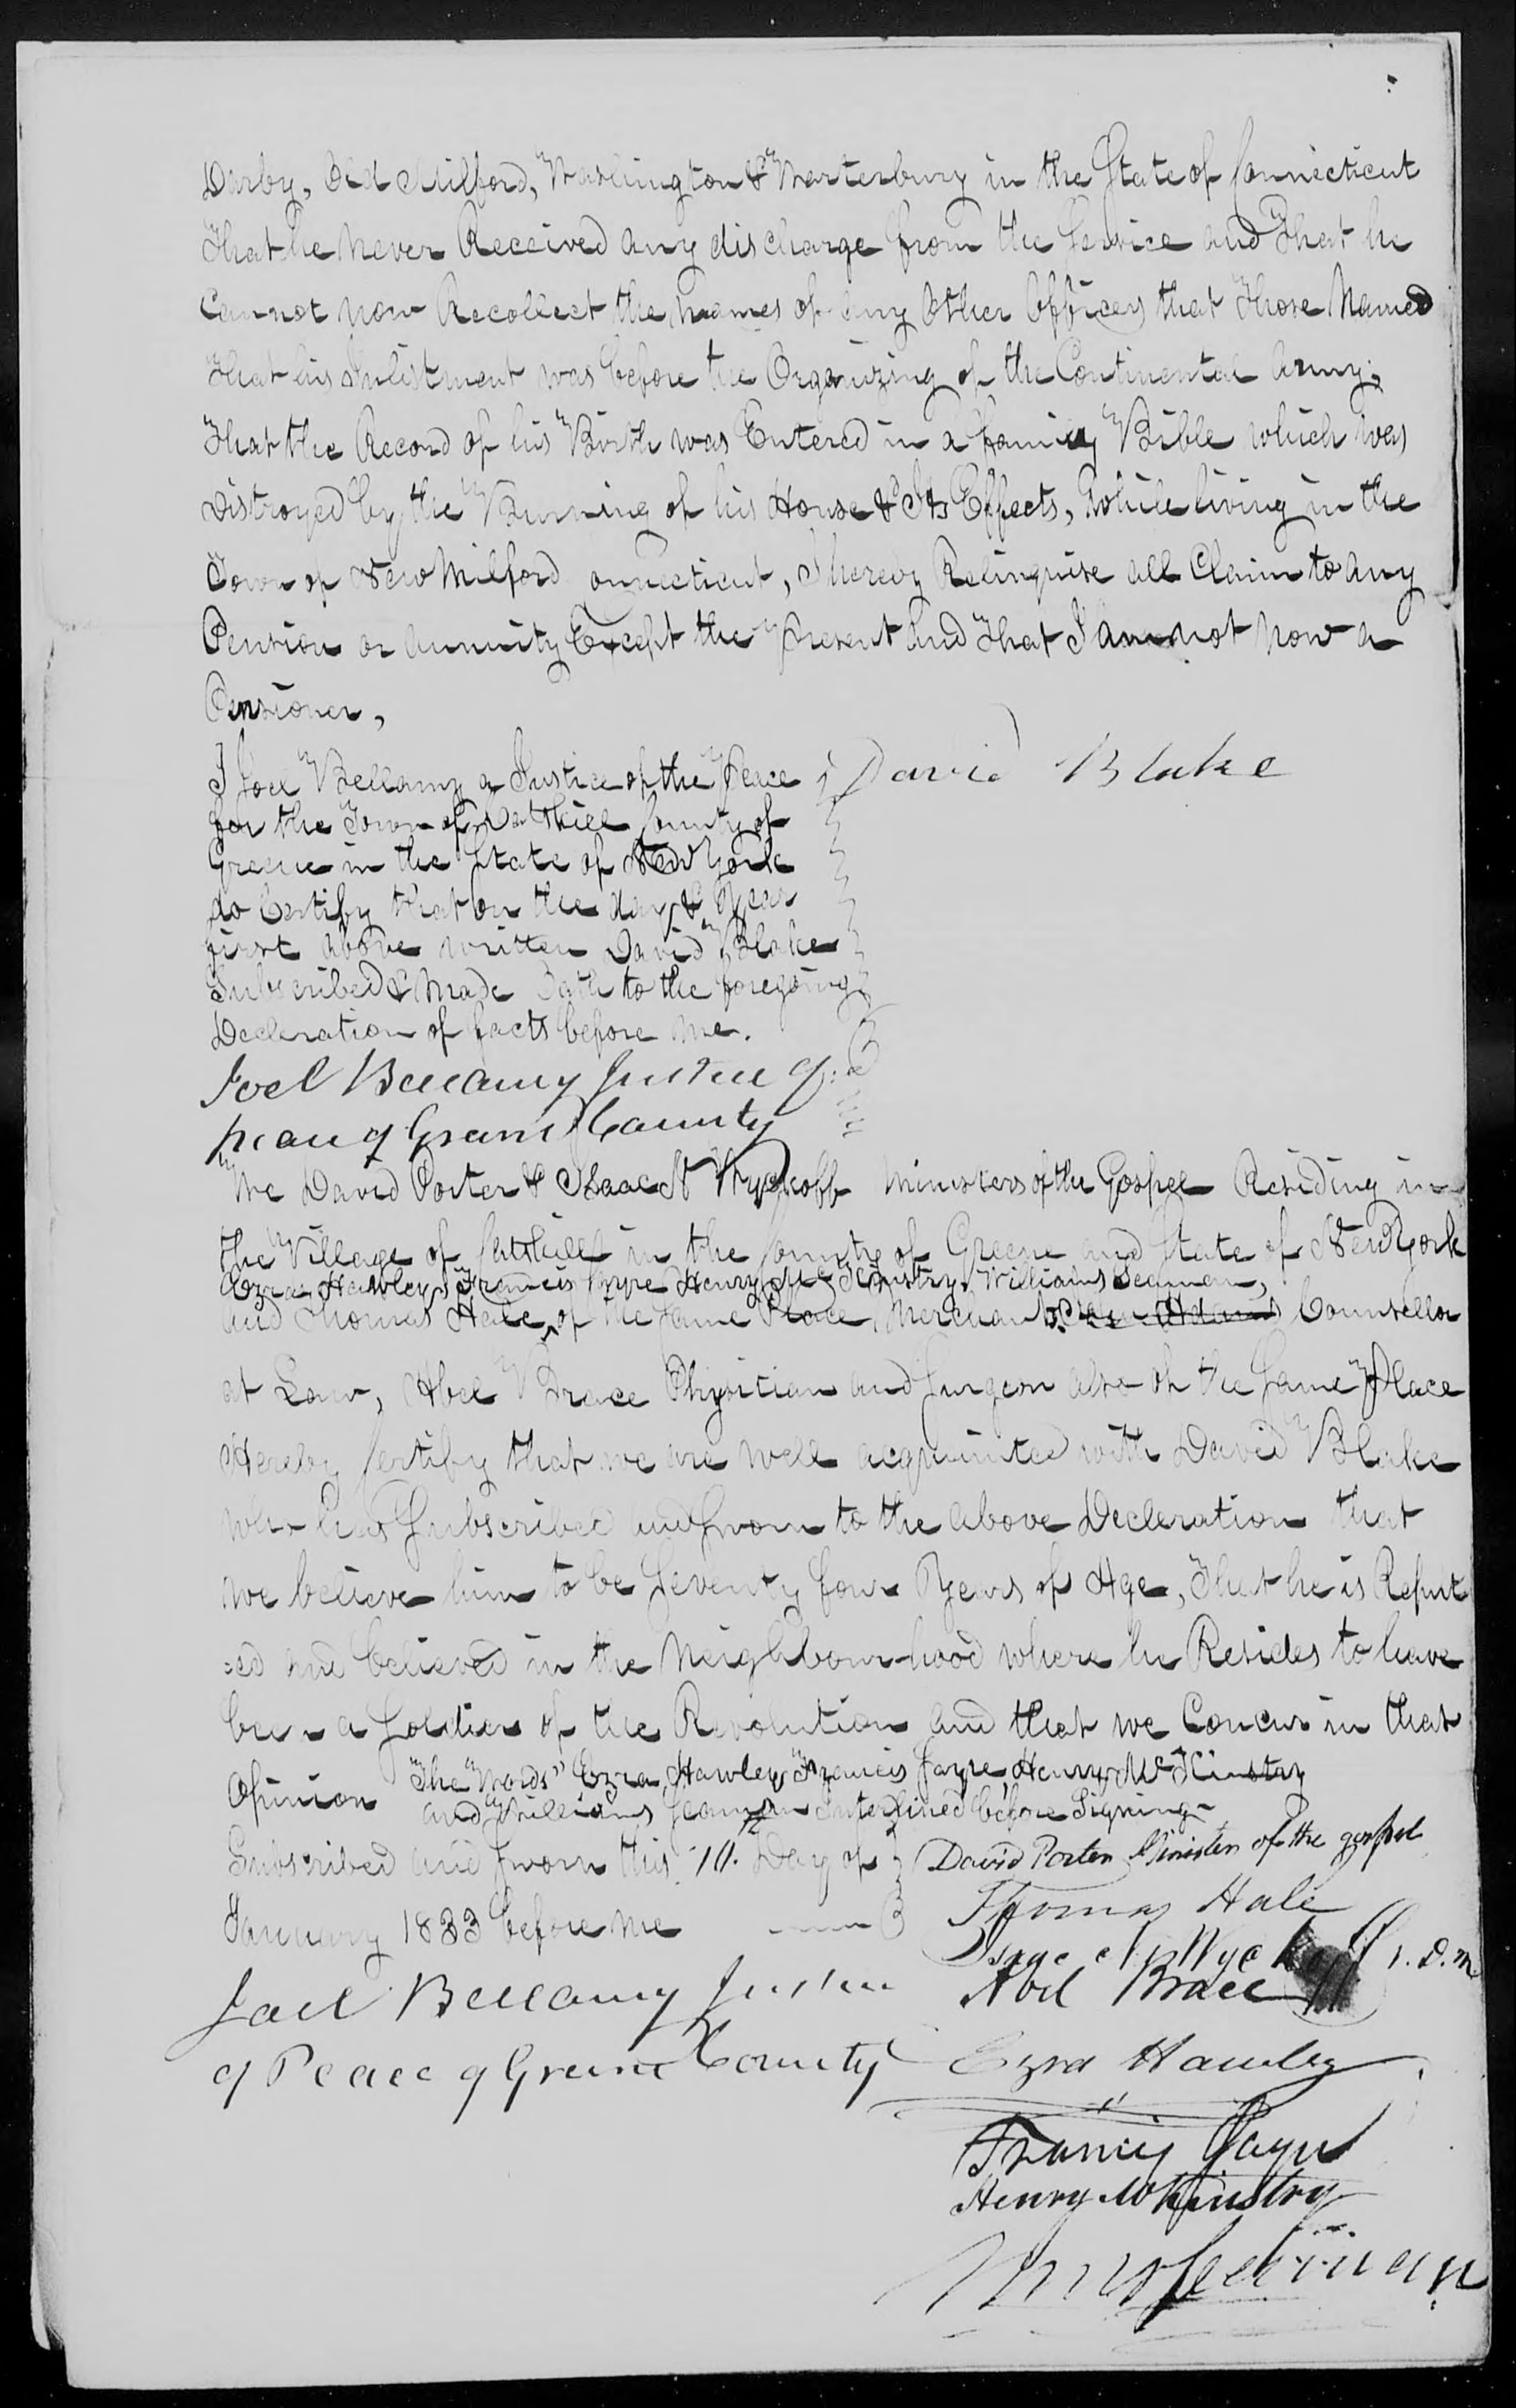Derby, Old Srilford, Warrington & Warterbury in the State of Connecticut
That he never received any discharge from the service and that he
cannot now Recollect the names of any other officers that those named
that his enlistment was before the organizing of the Continental army
That the Record of in Birth was entered in a family Bible which was
distroyed by the Turing of his House & Its Effects, while living in the
Town of New Milford Connecticut, I hereby relinquish all claim to any
Pension or annuity Except the present and that I am not now a
Pensioner,
I Joel Bellamy a Justice of the peace 
for the Town of Catskill County of
Greene in the State of New York
do certify that by the day & years
first above written David Blake
Subscribed & made oath to the foregoing
Declaration of facts before the
Joel Bellamy Justice of
peace of Greene County
We David Porter & Isaac H Wyckoff Minister of the Gospel Residing in
the Village of Catskill in the County of Greene and State of New York
Ezra Hawley Francis Sayre Henry McKinstry Williams Flannary
and Thomas Hale of the same place Merchant Counsellor
said Count State of the same place 
at Law, Abel Brace Physitian and Surgeon who in the same place
Hereby certify that we are well acquainted with David Blake
who has subscribed and sworn to the above Decleration that
we believe him to be seventy four years of age, That he is Reputed
and believed in the neighbourhood where he resides to have
been a soldier of the Revolution and that we concur in that
opinion
The words Ezra Hawley Francis Sayre, Henry McKinstry
and Williams Flannary Interlined before Signing
Subscribed and sworn this 10th day of January 1883 before me
Joel Bellamy Justice
of Peace of Greene County
David Porter Minister of the gospel
Thomas Hale
Isaac of Wyckoff 
Abel Brace
Ezra Hawley
Francis Sayre
Henry McKinstry
Wms Flannery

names: David Porter, David Porter, Henry Mc Kinstry, Joel Bellamy, Francis Sayre, Wm, Abel Brace, Abel Brace, Thomas Hale, Henry Mc Kinstry, Thomas Hale, David Blake, Ezra Hawley, Isaac, Henry Mc Kinstry, Francis Sayre, Williams Seaman, David Blake, Joel Bellamy, Williams Seaman, Ezra Hawley, Ezra Hawley, David Blake, Francis Sayre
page: 20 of 21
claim: survivor's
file: S. 23,128, David Blake, Conn.